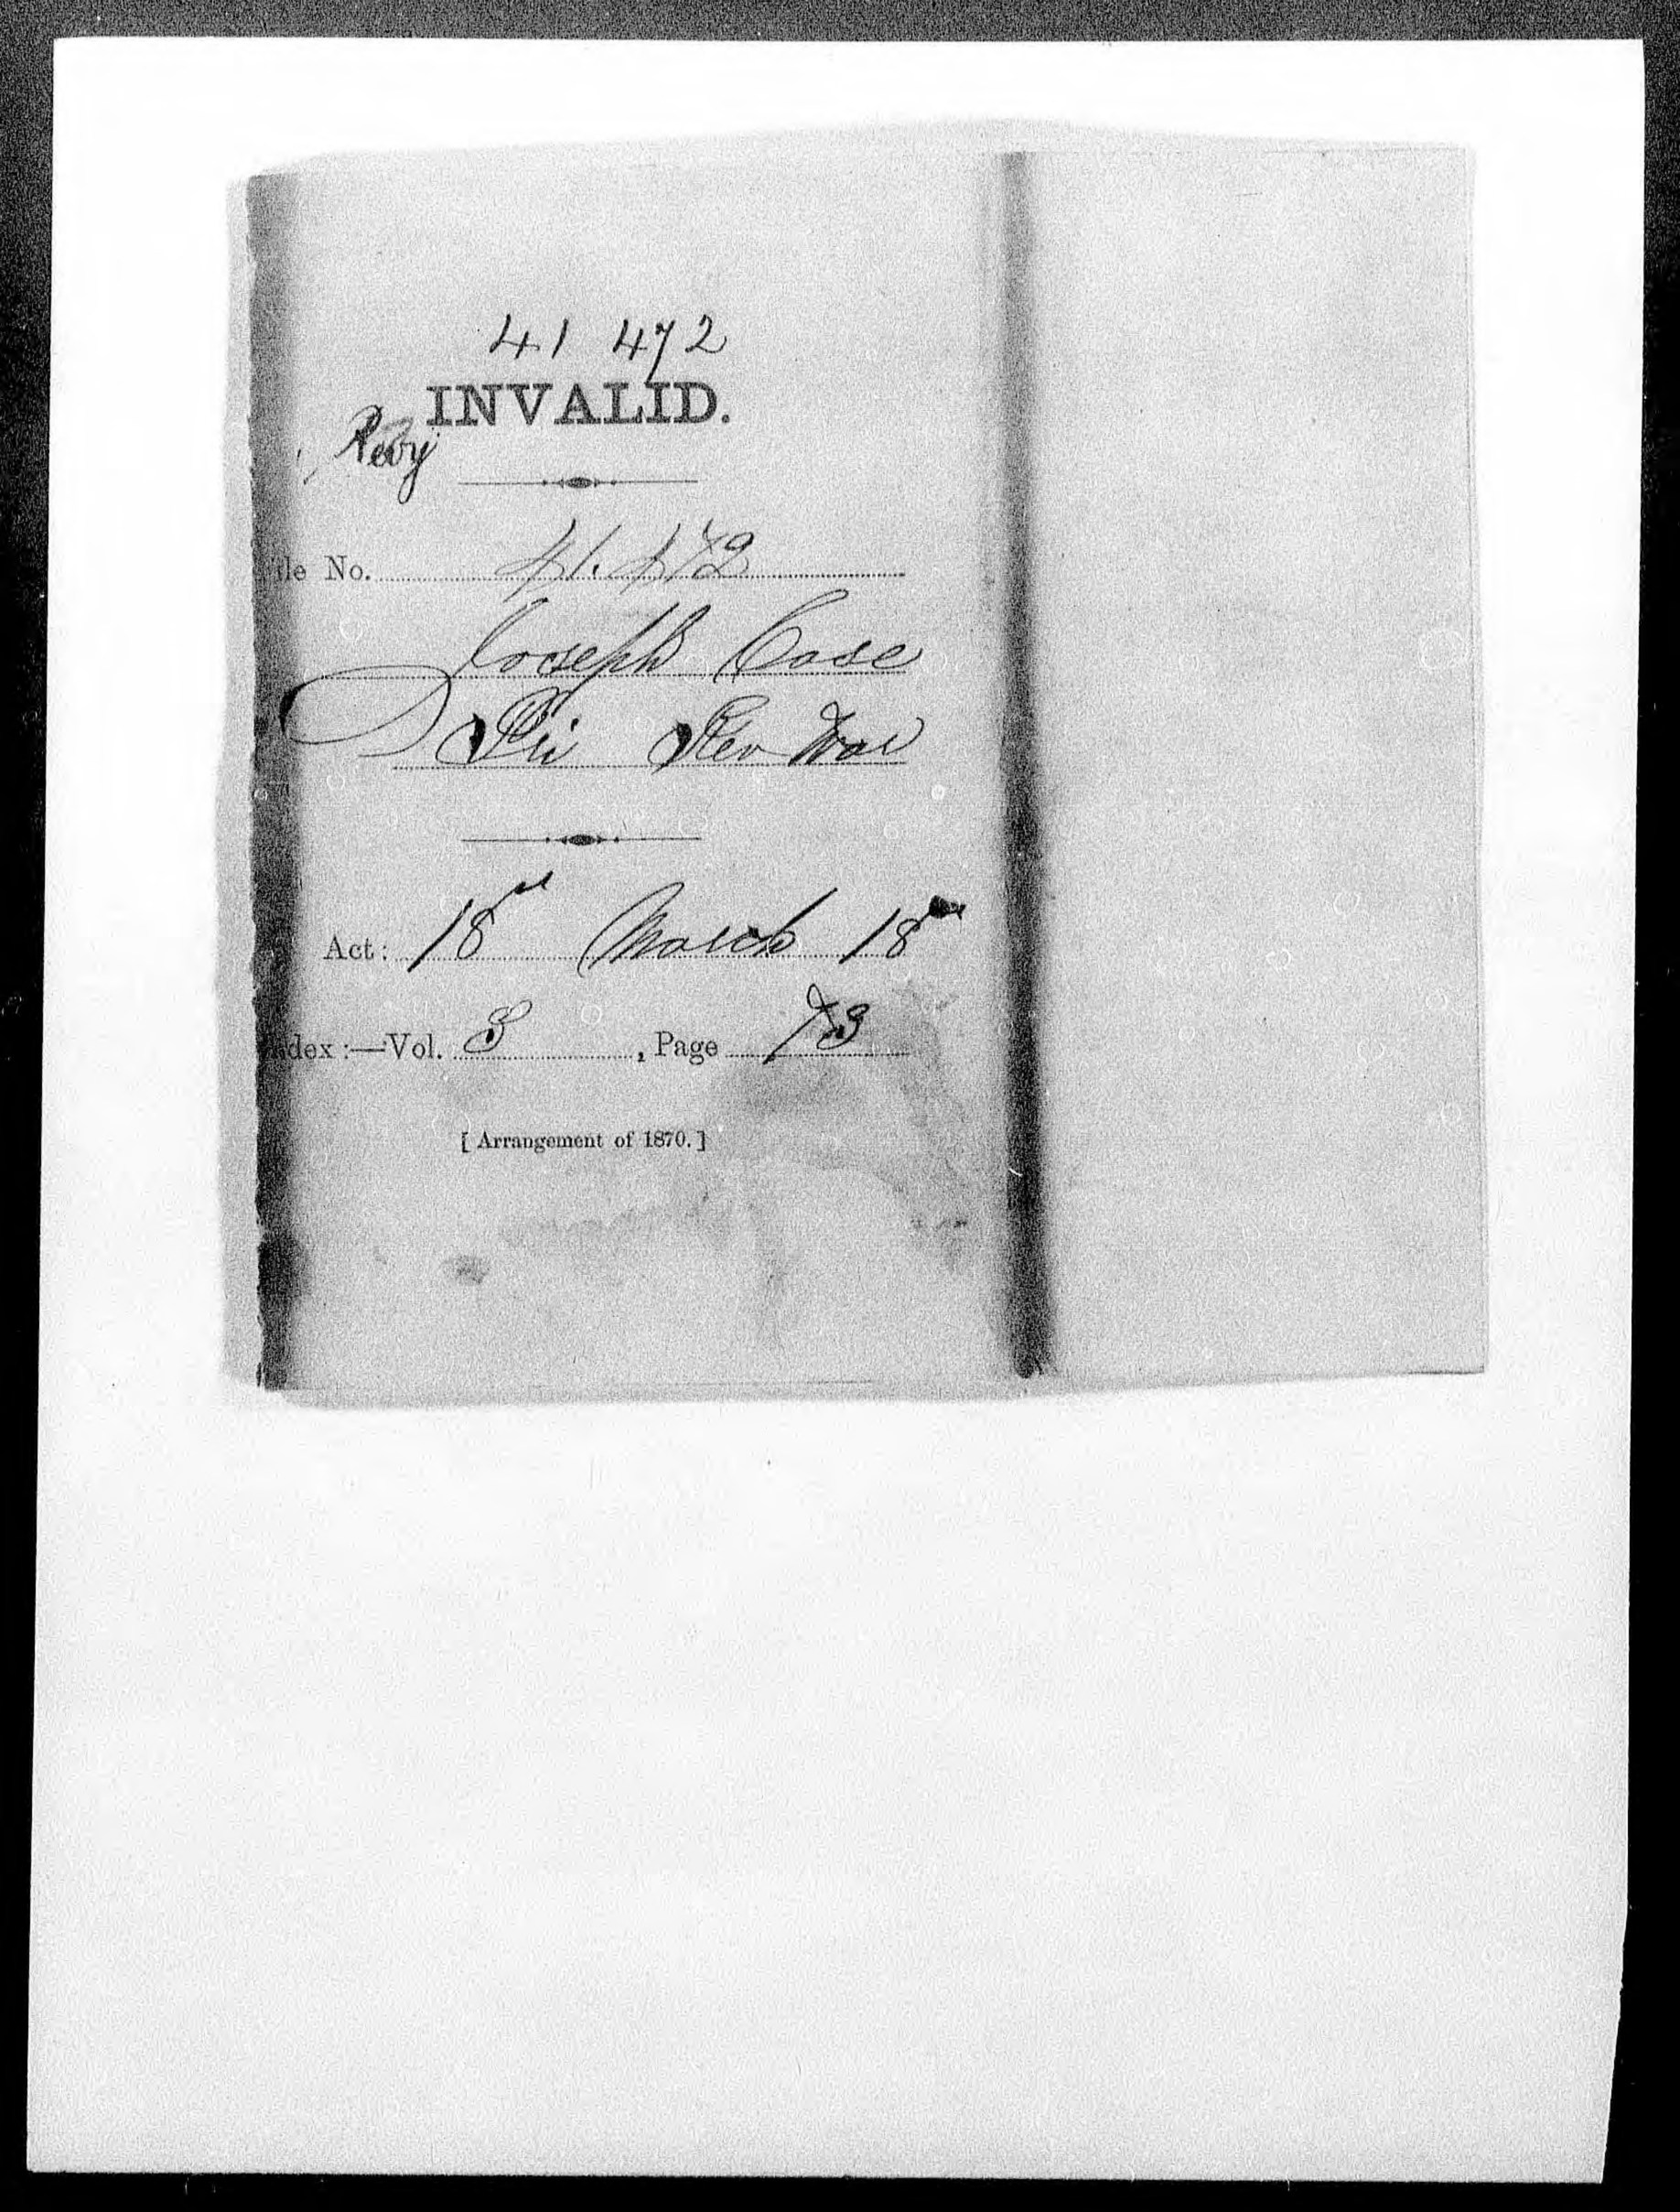41 472
INVALID
Revy


File No. 41.472
Joseph Case
Liu Rev War

Act 18th March 18
Index: Vol 8 Page 13

Arrangement of 1870.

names: Joseph Case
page: 10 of 20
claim: survivor's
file: S. 41472, Joseph Case, N.C.